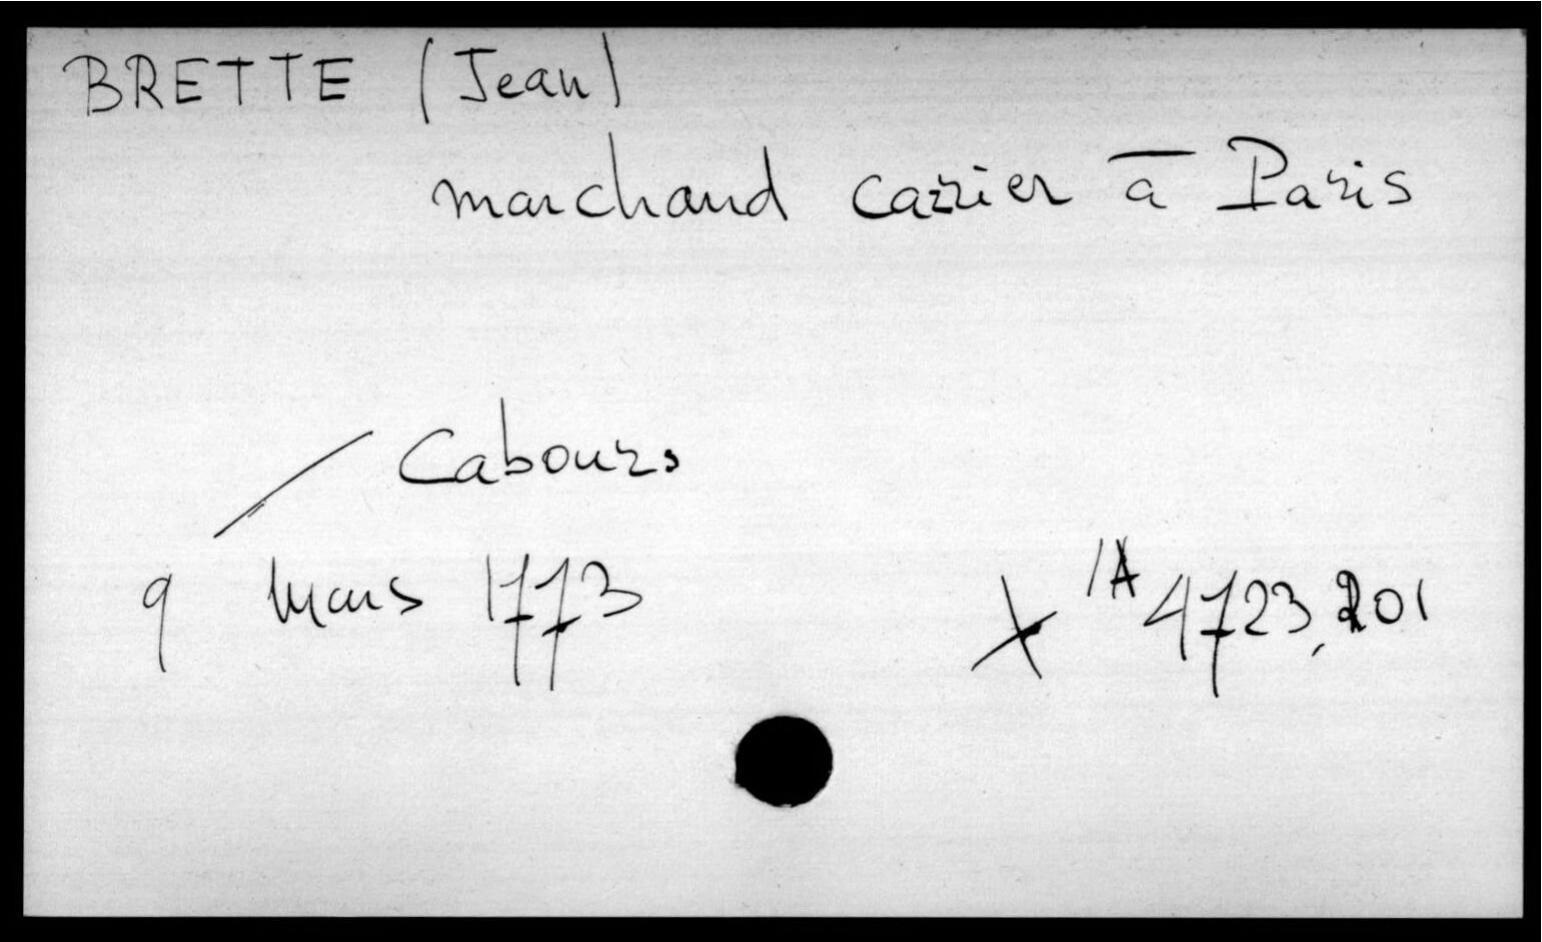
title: BRETTE (Jean) marchand carrier à Paris
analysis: Contre Cabours
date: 9 mars 1773
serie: X1A
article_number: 4723
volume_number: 201
